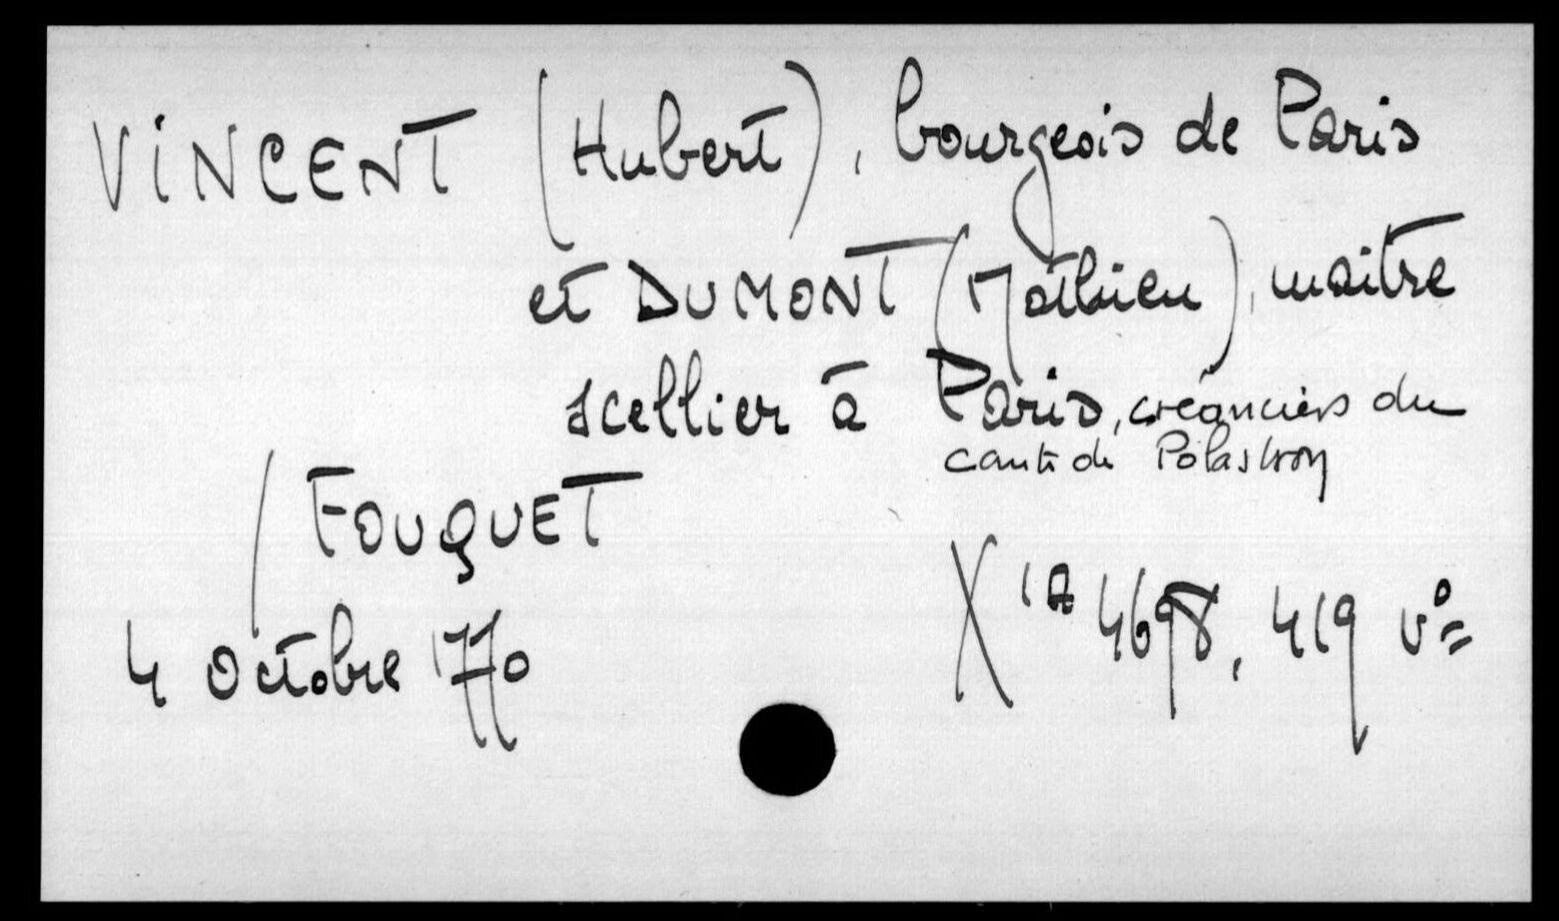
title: VINCENT (Hubert), bourgeois de Paris et DUMONT (Mathieu), maître scellier à Paris, créanciers du comte de Polastron
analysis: Contre FOUQUET
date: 4 octobre 1770
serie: X1A
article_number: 4698
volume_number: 419 v°
